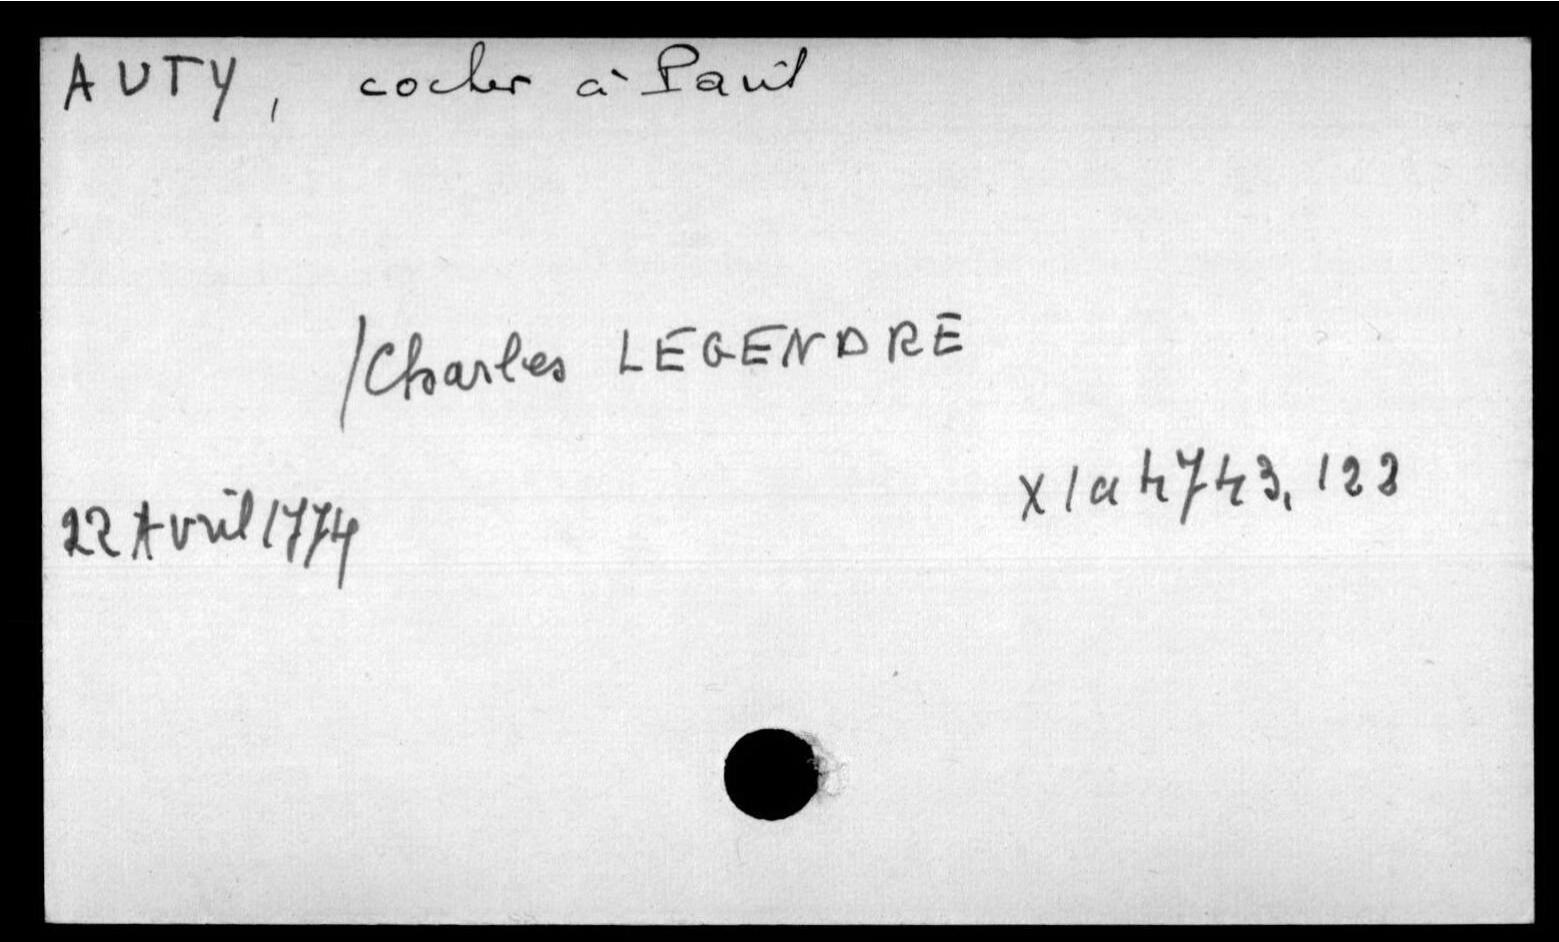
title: AUTY, cocher à Paris
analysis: Contre Charles LEGENDRE
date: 22 avril 1774
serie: X1a
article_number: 4743
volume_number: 122
